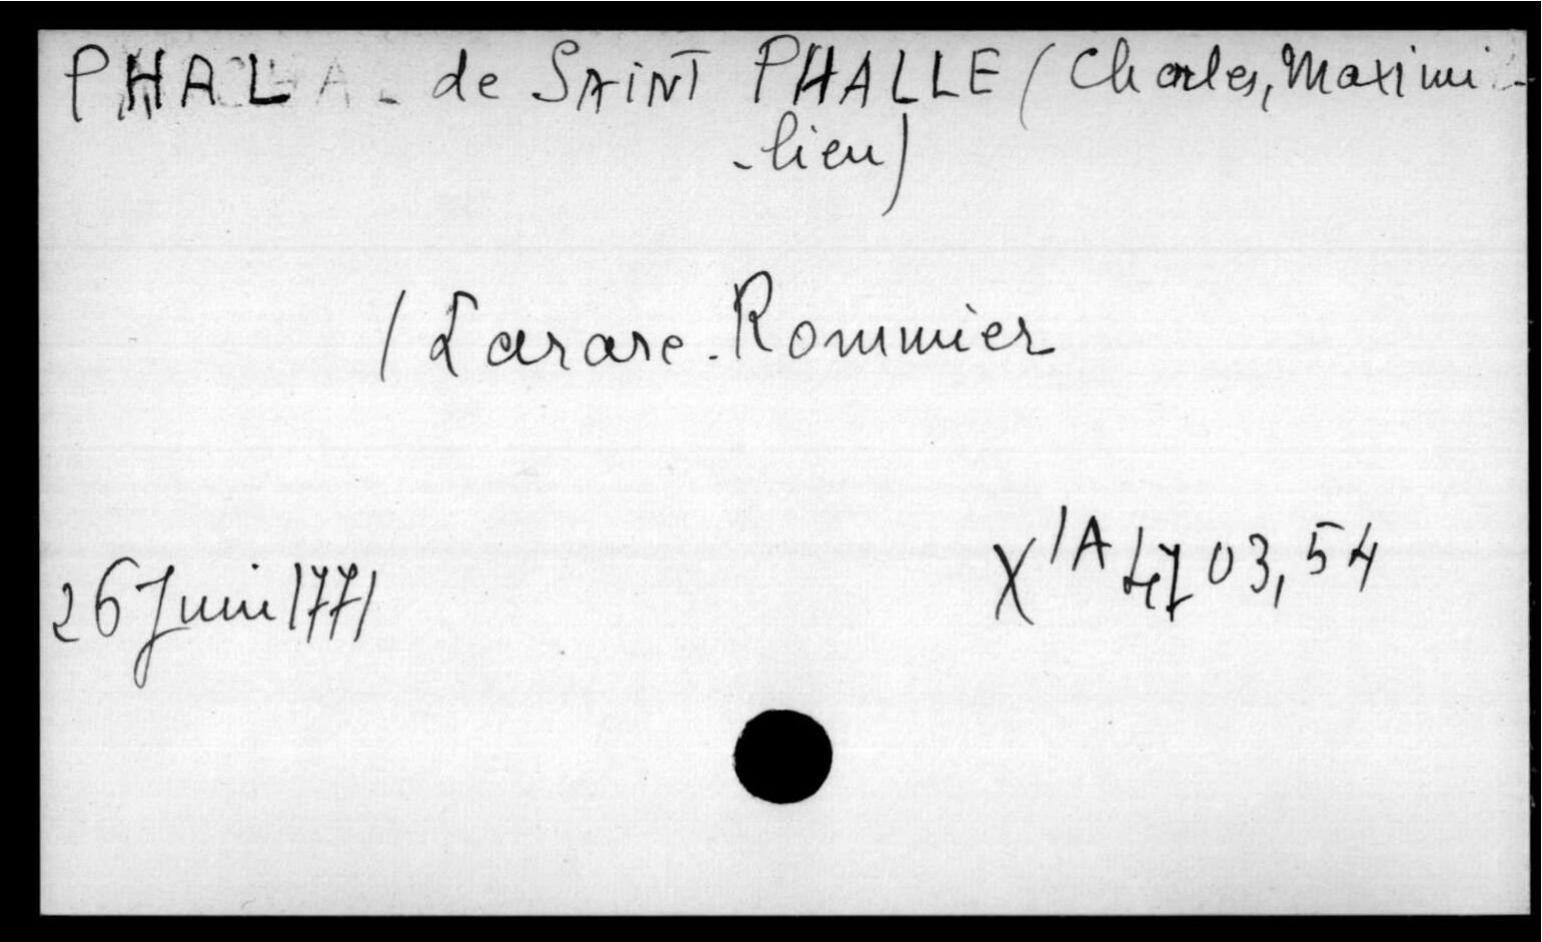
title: PHAL- de SAINT PHALLE (Charles, Maximilien)
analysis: Contre Larare Rommier
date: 26 juin 1771
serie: X1A
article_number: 4703
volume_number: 54
